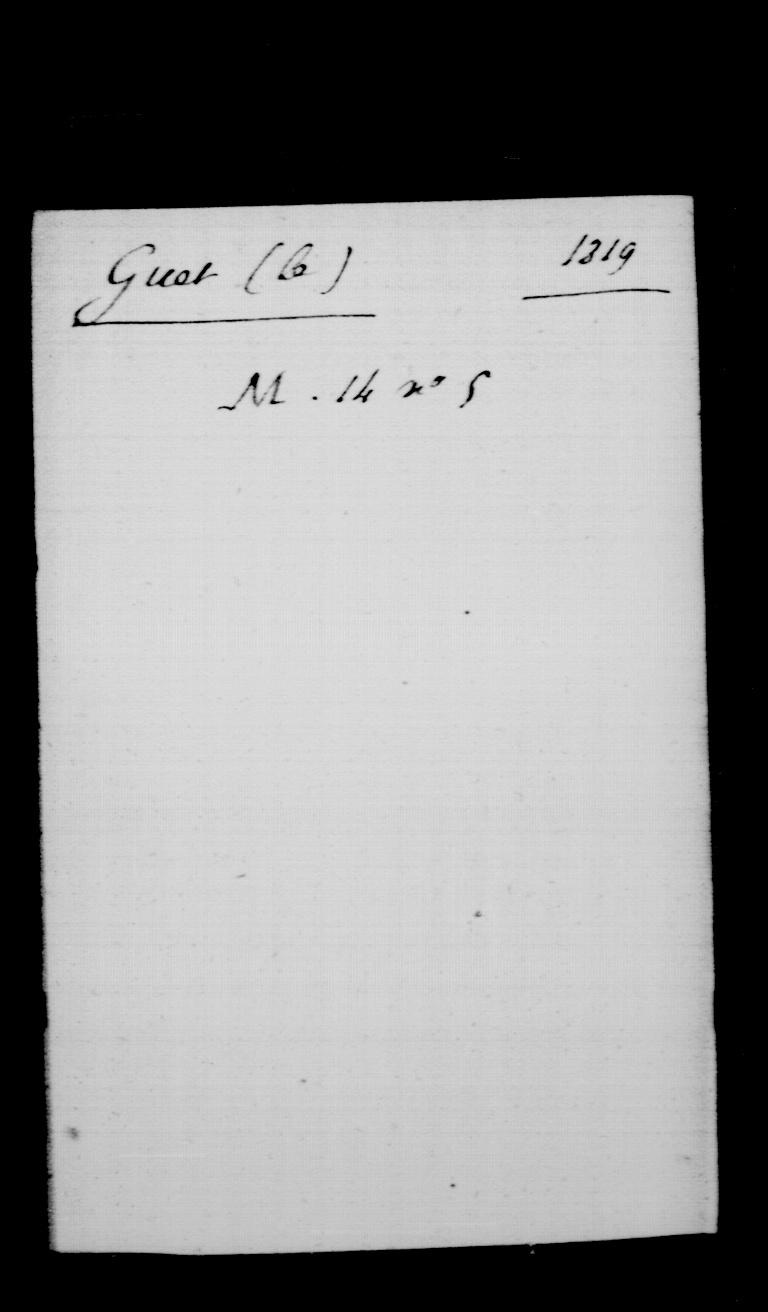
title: Guet (le)
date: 1319
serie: M
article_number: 14
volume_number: n° 5
